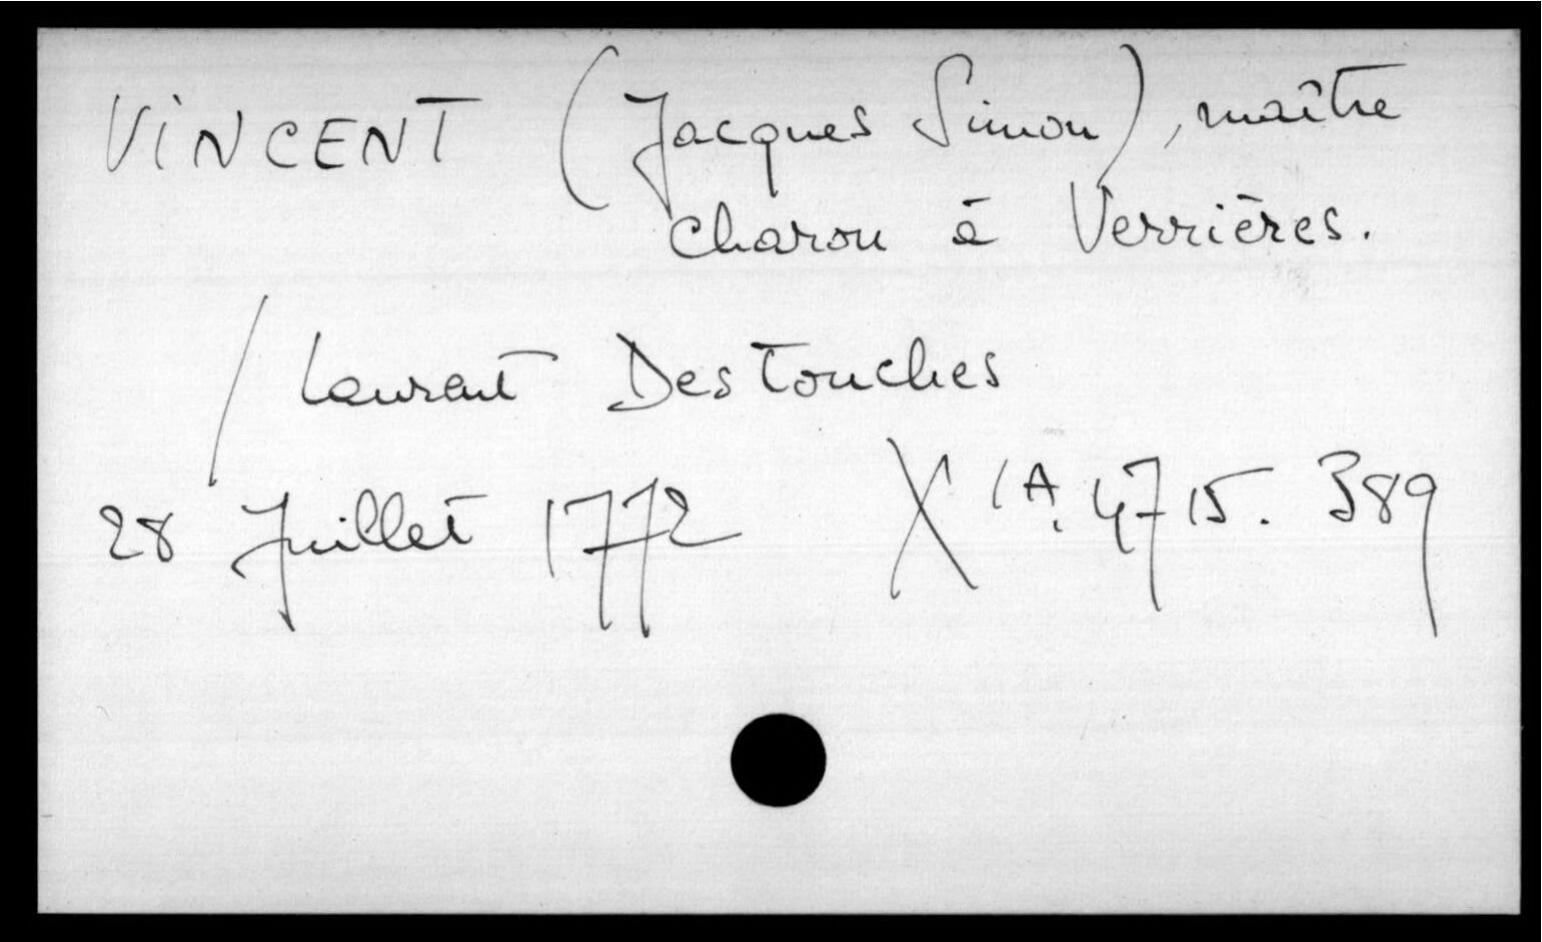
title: VINCENT (Jacques Simon), maître Charon à Verrières
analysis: Contre Laurent Des Touches
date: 28 juillet 1772
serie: X1A
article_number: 4715
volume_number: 389
